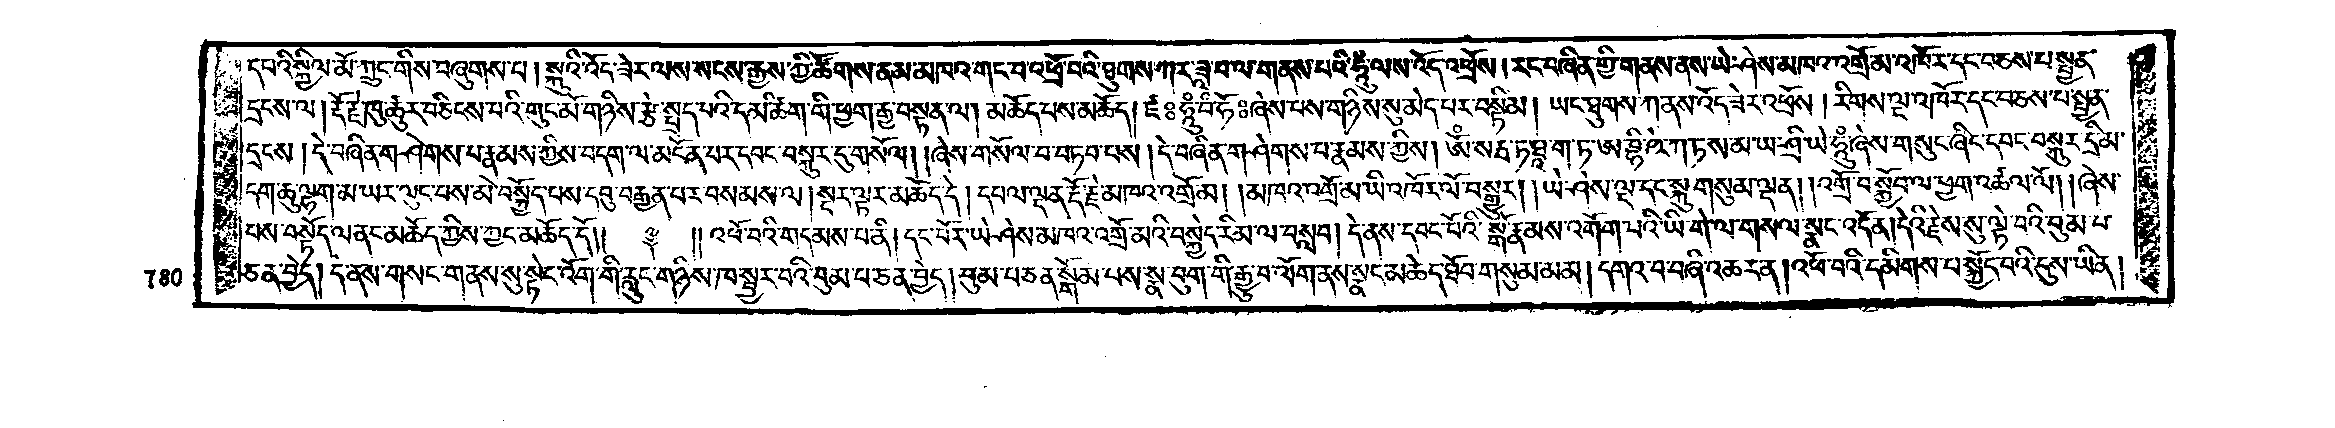དཔའི་སྐྱིལ་མ་ཀྲུང་གིས་བཞུགས་པ། སྐུའི་འོད་ཟེར་ལས་སངས་རྒྱས་ཀྱི་ཚོགས་ནམ་མཁའ་གང་བ་འཕྲོ་བའི་ཐུགས་ཀར་ཟླ་བ་ལ་གནས་པའི་ཧཱུཾ་ལས་འོད་འཕྲོས། རང་བཞིན་གྱི་གནས་ནས་ཡེ་ཤེས་མཁའ་འགྲོ་མ་འཁོར་དང་བཅས་པ་སྤྱན་
དྲངས་ལ། རྡོ་རྗེ་ཁུ་ཚུར་བཅིངས་པའི་གུང་མོ་གཉིས་རྩེ་སྤྲད་པའི་དམ་ཚིག་གི་ཕྱག་རྒྱ་བསྟན་ལ། མཆོད་པས་མཆོད། ཛཿ ཧཱུཾ་བཾ་ཧོཿ ཞེས་པས་གཉིས་སུ་མེད་པར་བསྟིམ། ཡང་ཐུགས་ཀ་ནས་འོད་ཟེར་འཕྲོས། རིགས་ལྔ་འཁོར་དང་བཅས་པ་སྤྱན་
དྲངས། དེ་བཞིན་གཤེགས་པ་རྣམས་ཀྱིས་བདག་ལ་མངོན་པར་དབང་བསྐུར་དུ་གསོལ། །ཞེས་གསོལ་བ་བཏབ་པས། དེ་བཞིན་གཤེགས་པ་རྣམས་ཀྱིས། ཨོཾ་སརྦ་ཏ་ཐཱ་ག་ཏ་ཨ་བྷི་ཥེ་ཀ་ཏ་ས་མ་ཡ་ཤྲི་ཡེ་ཧཱུཾ་ཞེས་གསུང་ཞིང་དབང་བསྐུར་དྲི་མ་
དག་ཆུ་ལྷག་མ་ཡར་ལུང་པས་མི་བསྐྱོད་པས་དབུ་བརྒྱན་པར་བསམས་ལ། སྔར་ལྟར་མཆོད་དེ། དཔལ་ལྡན་རྡོ་རྗེ་མཁའ་འགྲོ་མ། །མཁའ་འགྲོ་མ་ཡི་འཁོར་ལོ་བསྒྱུར། །ཡེ་ཤེས་ལྔ་དང་སྐུ་གསུམ་ལྡན། །འགྲོ་བ་སྐྱོབ་ལ་ཕྱག་འཚལ་ལོ། །ཞེས་
པས་བསྟེད་ལ་ནང་མཆོད་ཀྱིས་ཀྱང་མཆོད་དོ།། ༈ །།འཕོ་བའི་གདམས་པ་ནི། དང་པོར་ཡེ་ཤེས་མཁའ་འགྲོ་མའི་བསྐྱེད་རིམ་ལ་བསླབ། དེ་ནས་དབང་པོའི་སྒོ་རྣམས་འགོག་པའི་ཡི་གེ་ལ་གསལ་སྣང་འདོན། དེའི་རྗེས་སུ་ལྟེ་བའི་བུམ་པ་
ཅན་བྱེད། དེ་ནས་གསང་གནས་སུ་སྟེང་འོག་གི་རླུང་གཉིས་ཁ་སྦྱར་བའི་བུམ་པ་ཅན་བྱེད། བུམ་པ་ཅན་སྒོམ་པས་སྣ་བུག་གི་རྒྱུ་བ་ལོག་ནས་སྣང་མཆེད་ཐོབ་གསུམ་མམ། དགའ་བ་བཞི་འཆར་ན། འཕོ་བའི་དམིགས་པ་སྐྱོང་བའི་དུས་ཡིན།